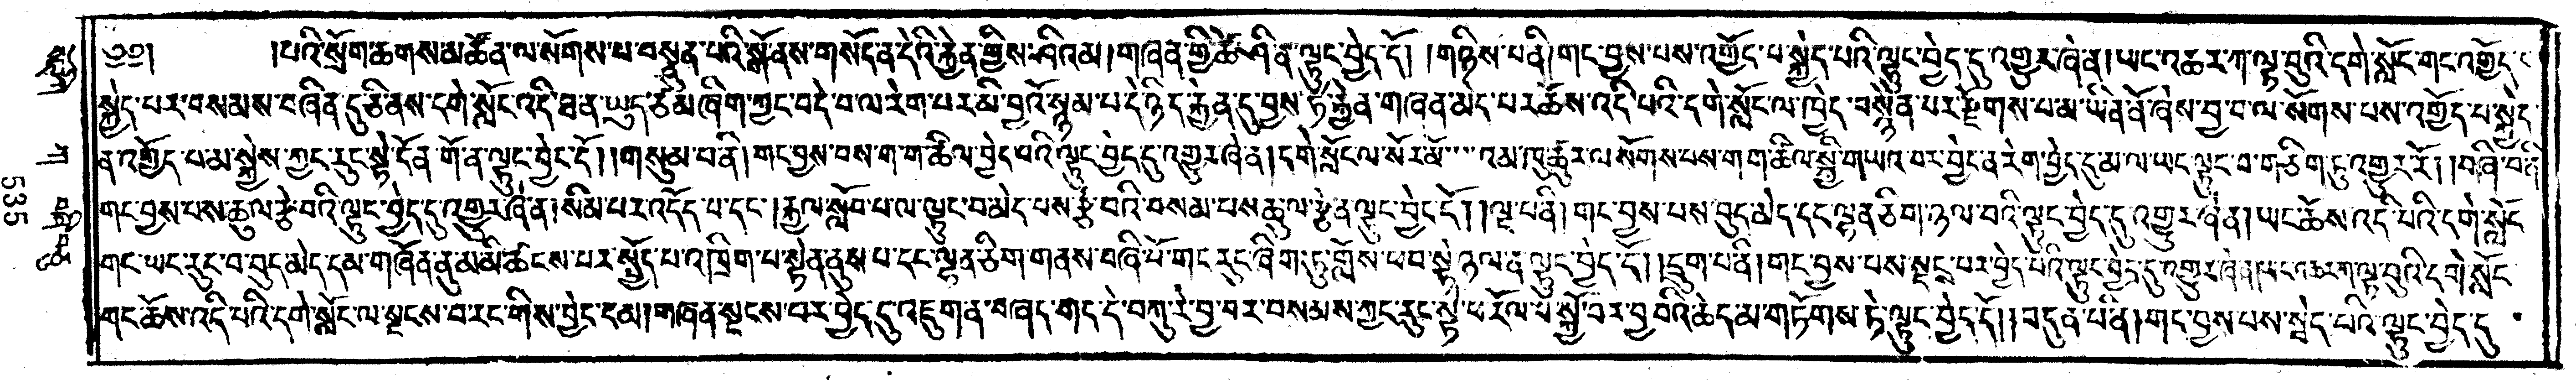༄༅། །པའི་སྲོག་ཆགས་མཚོན་ལ་སོགས་པ་བསྣུན་པའི་སྒོ་ནས་གསོད་ན་དེའི་རྐྱེན་གྱིས་ཤིའམ། གཞན་གྱི་ཚེ་ཤིན་ལྟུང་བྱེད་དོ། །གཉིས་པ་ནི། གང་བྱས་པས་འགྱོད་པ་སྐྱེད་པའི་ལྟུང་བྱེད་དུ་འགྱུར་ཞེ་ན། ཡང་འཆར་ཀ་ལྟ་བུའི་དགེ་སློང་གང་འགྱོད་
སྐྱེད་པར་བསམས་བཞིན་དུ་ཅི་ནས་དགེ་སློང་འདི་ཐན་ཡུད་ཙམ་ཞིག་ཀྱང་བདེ་བ་ལ་རེག་པར་མི་བྱའོ་སྙམ་པ་དེ་ཉིད་རྐྱེན་དུ་བྱས་ཏེ་རྐྱེན་གཞན་མེད་པར་ཆོས་འདི་པའི་དགེ་སློང་ལ་ཁྱེད་བསྙེན་པར་རྫོགས་པ་མ་ཡིན་ནོ་ཞེས་བྱ་བ་ལ་སོགས་པས་འགྱོད་པ་སྐྱེད་
ན་འགྱོད་པ་མ་སྐྱེས་ཀྱང་རུང་སྟེ་དོན་གོ་ན་ལྟུང་བྱེད་དོ། །གསུམ་པ་ནི། གང་བྱས་བས་ག་ག་ཚིལ་བྱེད་པའི་ལྟུང་བྱེད་དུ་འགྱུར་ཞེ་ན། དགེ་སློང་ལ་སོར་མོ་འམ་ཁུ་ཚུར་ལ་སོགས་པས་གག་ཚིལ་སྐྱི་གཡའ་བར་བྱེད་ན་རེག་བྱེད་དུ་མ་ལ་ཡང་ལྟུང་བ་གཅིག་ཏུ་འགྱུར་རོ། །བཞི་བ་ནི་
གང་བྱས་པས་ཆུ་ལ་རྩེ་བའི་ལྟུང་བྱེད་དུ་འགྱུར་ཞེ་ན། སིམ་པར་འདོད་པ་དང་། རྐྱལ་སློབ་པ་ལ་ལྟུང་བ་མེད་པས་རྩེ་བའི་བསམ་པས་ཆུ་ལ་རྩེན་ལྟུང་བྱེད་དོ། །ལྔ་པ་ནི། གང་བྱས་པས་བུད་མེད་དང་ལྷན་ཅིག་ཉལ་བའི་ལྟུང་བྱེད་དུ་འགྱུར་ཞེ་ན། ཡང་ཆོས་འདི་པའི་དགེ་སློང་
གང་ཡང་རུང་བ་བུད་མེད་དམ་གཞོན་ནུ་མ་མི་ཚངས་པར་སྤྱོད་པ་འཁྲིག་པ་སྟེན་ནུས་པ་དང་ལྷན་ཅིག་གནས་བཞི་པོ་གང་རུང་ཞིག་ཏུ་གློས་ཕབ་སྟེ་ཉལ་ན་ལྟུང་བྱེད་དོ། །དྲུག་པ་ནི། གང་བྱས་པས་སྡངས་པར་བྱེད་པའི་ལྟུང་བྱེད་དུ་འགྱུར་ཞེ་ན། ཡང་འཆར་ག་ལྟ་བུའི་དགེ་སློང་
གང་ཆོས་འདི་པའི་དགེ་སློང་ལ་སྔངས་བ་རང་གིས་བྱེད་དམ། གཞན་སྔངས་བར་བྱེད་དུ་འཇུག་ན་བཞད་གད་དེ་བཀུ་རེ་བྱ་བར་བསམས་ཀྱང་རུང་སྟེ་ཕ་རོལ་པ་སྐྱོ་བར་བྱ་བའི་ཆེད་མ་གཏོགས་ཏེ་ལྟུང་བྱེད་དོ། །བདུན་པ་ནི། གང་བྱས་པས་སྦེད་པའི་ལྟུང་བྱེད་དུ་